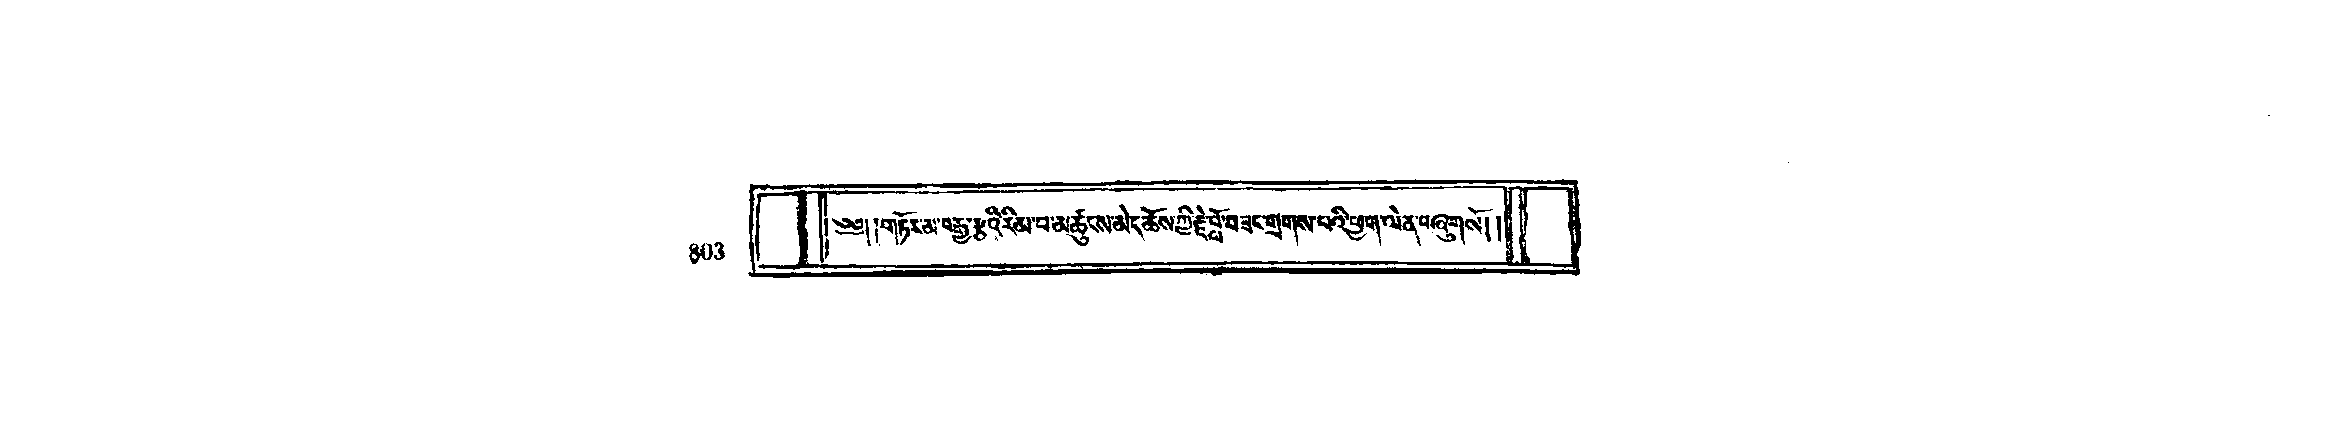༄༅། །གཏོར་མ་བརྒྱ་རྩའི་རིམ་པ་མཚུངས་མེད་ཆོས་ཀྱི་རྗེ་བློ་བཟང་གྲགས་པའི་ཕྱག་ལེན་བཞུགས་སོ། །